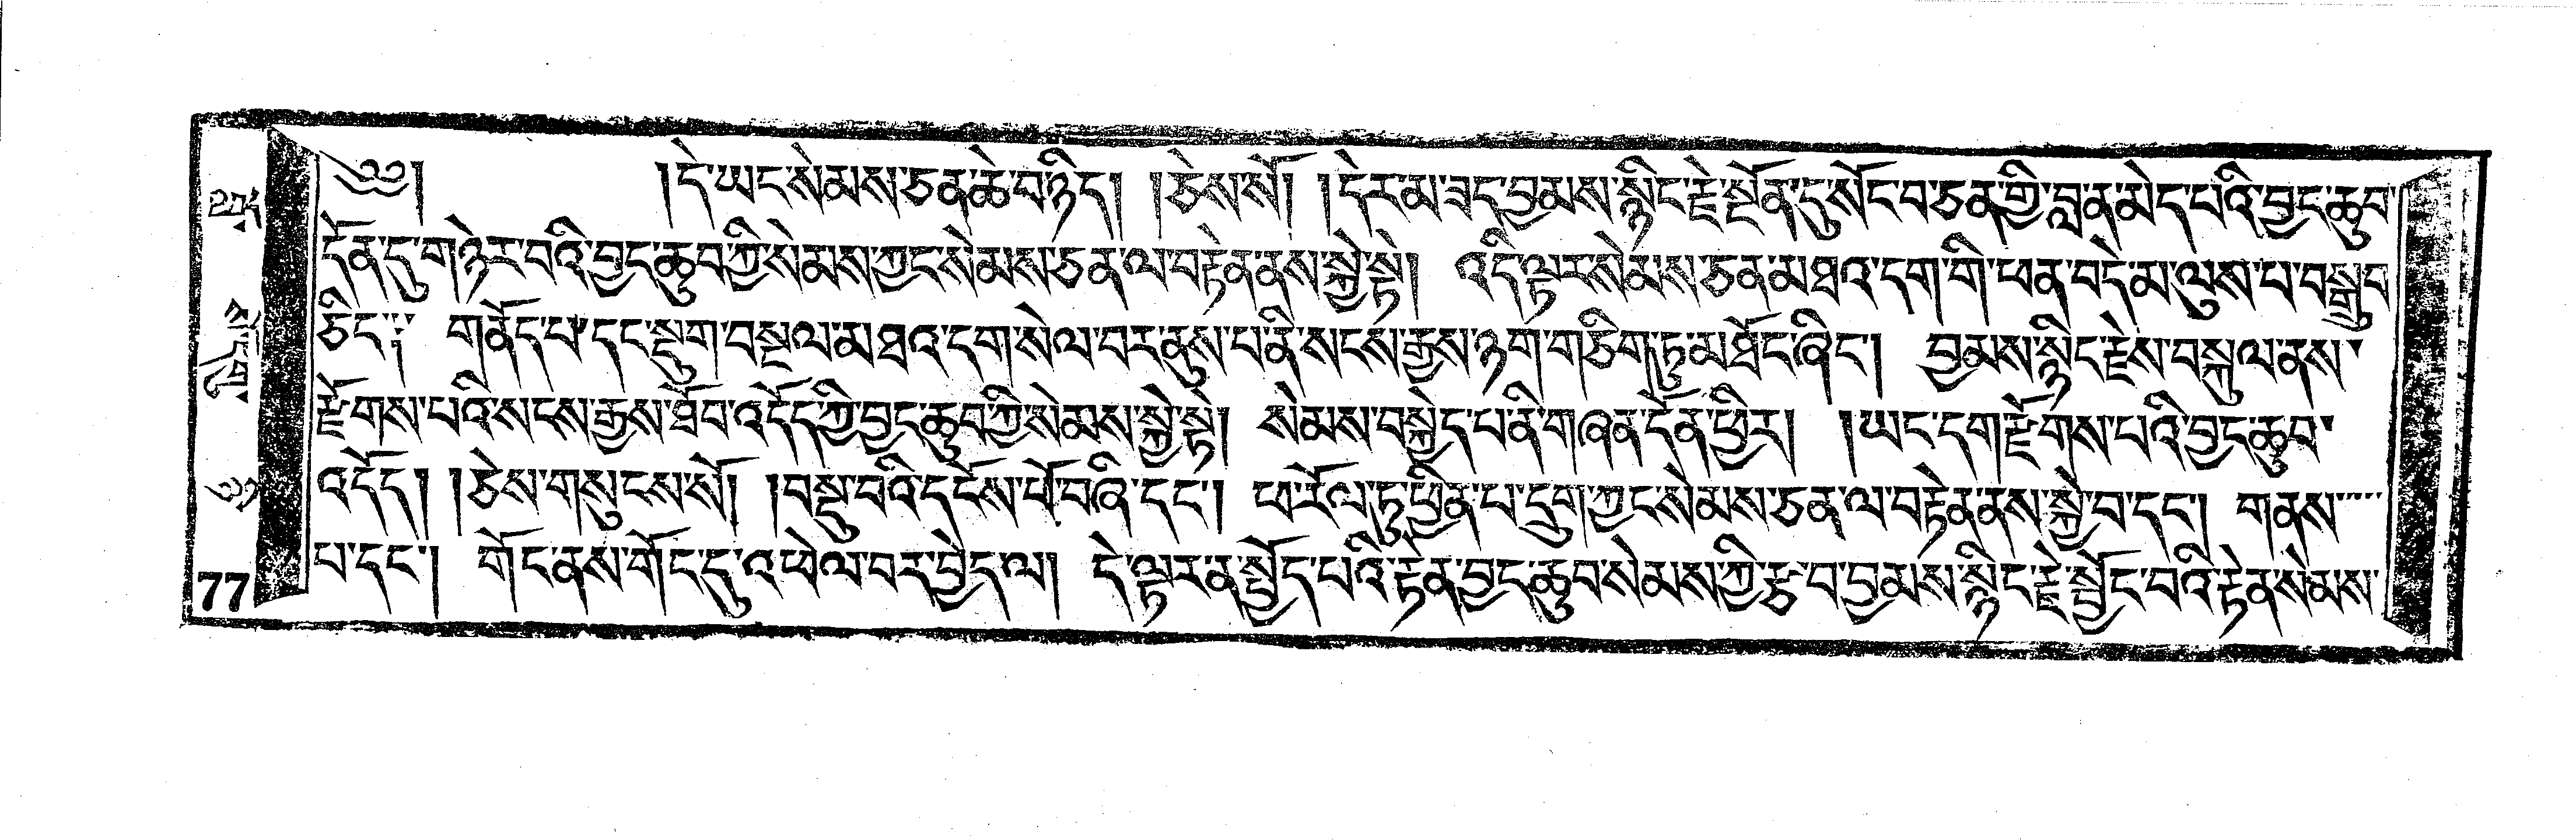༄༅། །དེ་ཡང་སེམས་ཅན་ཆེ་བ་ཉིད། །ཅེས་སོ། །དེར་མ་ཟད་བྱམས་སྙིང་རྗེ་སྔོན་དུ་སོང་བ་ཅན་གྱི་བླ་ན་མེད་པའི་བྱང་ཆུབ་
དོན་དུ་གཉེར་བའི་བྱང་ཆུབ་ཀྱི་སེམས་ཀྱང་སེམས་ཅན་ལ་བརྟེན་ནས་སྐྱེ་སྟེ། འདི་ལྟར་སེམས་ཅན་མཐའ་དག་གི་ཕན་བདེ་མ་ལུས་པ་བསྒྲུབ་
ཅིང༑ གནོད་པ་དང་སྡུག་བསྔལ་མཐའ་དག་སེལ་བར་ནུས་པ་ནི་སངས་རྒྱས་ཉག་གཅིག་ཏུ་མཐོང་ཞིང་། བྱམས་སྙིང་རྗེས་བསྐུལ་ནས་
རྫོགས་པའི་སངས་རྒྱས་ཐོབ་འདོད་ཀྱི་བྱང་ཆུབ་ཀྱི་སེམས་སྐྱེ་སྟེ། སེམས་བསྐྱེད་པ་ནི་གཞན་དོན་ཕྱིར། །ཡང་དག་རྫོགས་པའི་བྱང་ཆུབ་
འདོད། །ཅེས་གསུངས་སོ། །བསྡུ་བའི་དངོས་པོ་བཞི་དང་། ཕ་རོལ་ཏུ་ཕྱིན་པ་དྲུག་ཀྱང་སེམས་ཅན་ལ་བརྟེན་ནས་སྐྱེ་བ་དང་། གནས་
པ་དང་། གོང་ནས་གོང་དུ་འཕེལ་བར་བྱེད་ལ། དེ་ལྟར་ན་སྤྱོད་པའི་རྟེན་བྱང་ཆུབ་སེམས་ཀྱི་རྩ་བ་བྱམས་སྙིང་རྗེ་སྦྱོང་བའི་རྟེན་སེམས་